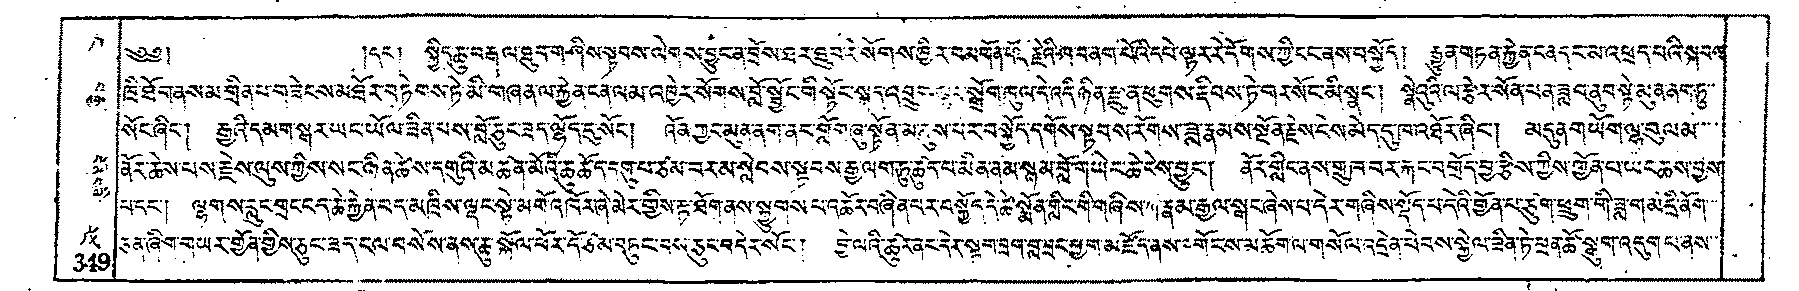༄༅། །དང་། སྐྱིད་ཆུ་བརྒལ་ཐུབ་གཤིས་སྟབས་ལེགས་བྱུང་ན་བྲོས་ཐར་ཐུབ་རེ་སོགས་ཁྱིར་བ་མགོན་པོ་རྡོ་རྗེའི་ཤ་བ་ནག་པོའི་དཔེ་ལྟར་རེ་དོགས་ཀྱི་ངང་ནས་བསྐྱོད། རྒྱུན་གཏན་རྐྱེན་ངན་དང་མ་འཕྲད་པའི་སྐབས་
ཁྲི་ཐོག་ནས་མགྲིན་པ་གཟེངས་མཐོར་བཏེགས་ཏེ་མི་གཞན་ལ་རྐྱེན་ངན་ལམ་འཁྱེར་སོགས་བློ་སྦྱོང་གི་སྟོང་སྐད་འབྲུག་ལྟར་སྒྲོག་ཁུལ་དེ་འདི་ཉིན་རྫུན་ཕུགས་རྡིབས་ཏེ་གར་སོང་མི་སྣང་། སྣེའུའི་ལ་རྩེར་སོན་པ་ན་ཟླ་བ་ནུབ་སྟེ་མུན་ནག་ཏུ་
སོང་ཞིང་། རྒྱའི་དམག་སྒར་ཡང་ཡོལ་ཟིན་པས་བློ་ཅུང་ཟད་ལྷོད་དུ་སོང་། འོན་ཀྱང་མུན་ནག་ནང་གློག་ཞུ་སྟོན་མ་ནུས་པར་བསྐྱོད་དགོས་སྟབས་རོགས་ཟླ་རྣམས་སྔོན་རྗེས་ངེས་མེད་དུ་ཁ་འཐོར་ཞིང་། མདུན་གཡོག་ལྷ་བུ་ལམ་
ནོར་ཆེས་པས་རྗེས་ལུས་ཀྱིས་སང་ཉིན་ཚེས་དགུའི་མཚན་མོའི་ཆུ་ཚོད་དགུ་པ་ཙམ་བར་མ་སླེབས་སྟབས་རྒྱ་ལག་ཏུ་ཚུད་པ་མིན་ནམ་སྙམ་བློ་གཡེང་ཆེ་ངེས་བྱུང་། ནོར་གླིང་ནས་གྲུ་ཁ་བར་རྐང་བགྲོད་བྱ་རྩིས་ཀྱིས་གྱོན་པ་ཡང་ཆས་བྱས་
པ་དང་། ལྷགས་རླུང་གྲང་ངད་ཆེ་རྐྱེན་བད་མཁྲིས་ལྡང་སྟེ་མགོ་འཁོར་ཞེ་མེར་གྱིས་རྟ་ཐོག་ནས་སྐྱུགས་པ་འཆོར་བཞིན་པར་བསྐྱོད་དེ་ཚེ་སྨོན་གླིང་གི་གཞིས་ཀ་རྣམ་རྒྱལ་སྒང་ཞེས་པ་དེར་གཞིས་སྡོད་པ་དེའི་གྱོན་པ་ཙུག་ཕྲུག་གི་ཟླ་གམ་དྲི་ནོག་
ཅན་ཞིག་གཡར་གྱོན་གྱིས་ཅུང་ཟད་ངལ་བསོས་ནས་ཆུ་སྐོལ་ཕོར་དོ་ཙམ་བཏུང་བས་ཅུང་བདེར་སོང་། བྱེ་ལའི་ཚུར་ནང་དེར་སྟག་བྲག་བླ་བྲང་ཕྱག་མཛོད་ནས་༧གོང་ས་མཆོག་ལ་གསོལ་འདྲེན་ཕེབས་སྐྱེལ་ཟིན་ཏེ་ཕྲན་ཚོ་སྒུག་འདུག་པ་ནས་